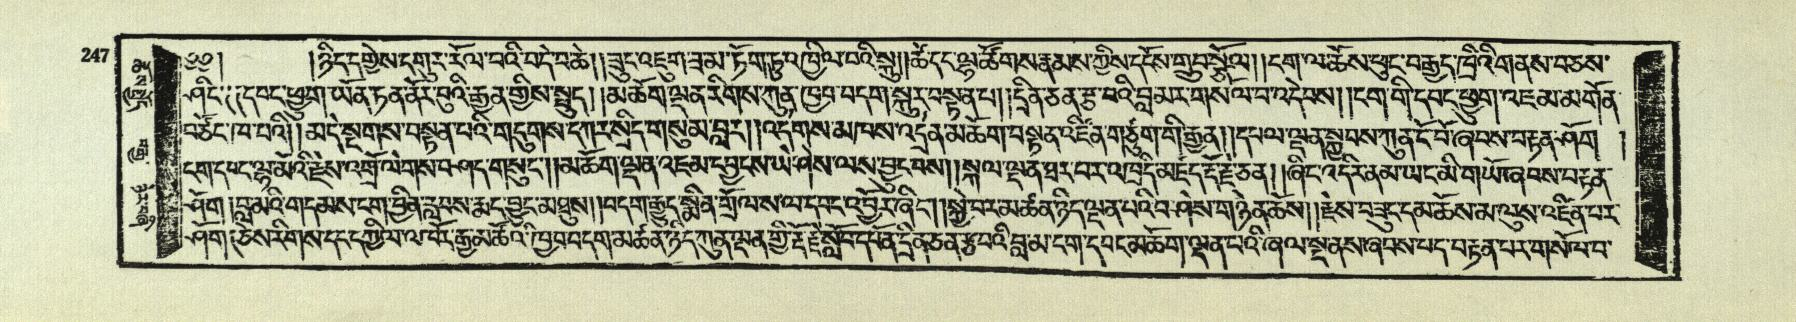༄༅། །ཉིད་དགྱེས་དགུར་རོལ་བའི་བདེ་བ་ཆེ། །ཟུང་འཇུག་ཟ་མ་ཏོག་ཏུ་འཁྱིལ་བའི་སྐུ། །ཚེ་དང་ལྷ་ཚོགས་རྣམས་ཀྱིས་དངོས་གྲུབ་སྩོལ། །ངག་ལ་ཆོས་ཕུང་བརྒྱད་ཁྲིའི་གནས་བཅས་
ཤིང༑ ༑དབང་ཕྱུག་ཡོན་ཏན་ནོར་བུའི་རྒྱན་གྱིས་སྤུད། །མཆོག་ལྡན་རིགས་ཀུན་ཁྱབ་བདག་སྐུར་བསྟན་པ། །དྲིན་ཅན་རྩ་བའི་བླ་མར་གསོལ་བ་འདེབས། །ངག་གི་དབང་ཕྱུག་འཇམ་མགོན་
བཙོང་ཁ་པའི། །མདེ་སྔགས་བསྟན་པའི་གདུགས་དཀར་སྲིད་གསུམ་བླར། །འདེགས་མཁས་འདྲེན་མཆོག་བསྟན་འཛིན་གཙུག་གི་རྒྱན། །དཔལ་ལྡན་སྐྱབས་ཀུན་ངོ་བོ་ཞབས་བརྟན་ཤོག །
ངག་དབང་ལྷ་མོའི་རྗེས་འགྲོ་ལེགས་བཤད་གསུང་། །མཆོག་ལྡན་འཇམ་དབྱངས་ཡེ་ཤེས་ལས་བྱུང་བས། །སྐལ་ལྡན་ཐར་བར་འཁྲིད་མཛད་རྡོ་རྗེ་ཅན། །ཞིང་འདིར་ནམ་ཡང་མི་གཡོ་ཞབས་བརྟན་
ཤོག །བླ་མའི་གདམས་ངག་བྱིན་རླབས་རྨད་བྱུང་མཐུས། །བདག་རྒྱུད་སྨིན་གྲོལ་ས་ལ་དབང་འབྱོར་ཞིང་། །སྐྱེ་བར་མཚན་ཉིད་ལྡན་པའི་བཤེས་གཉེན་ཆོས། །རྗེས་བཟུང་དམ་ཆོས་མ་ལུས་འཛིན་པར་
ཤོག ༑ཅེས་རིགས་དང་དཀྱིལ་འཁོར་རྒྱ་མཚོའི་ཁྱབ་བདག་མཚན་ཉིད་ཀུན་ལྡན་གྱི་རྡོ་རྗེ་སློབ་དཔོན་དྲིན་ཅན་རྩ་བའི་བླ་མ་ངག་དབང་མཆོག་ལྡན་པའི་ཞལ་སྔ་ནས་ཞབས་པད་བརྟན་པར་གསོལ་བ་